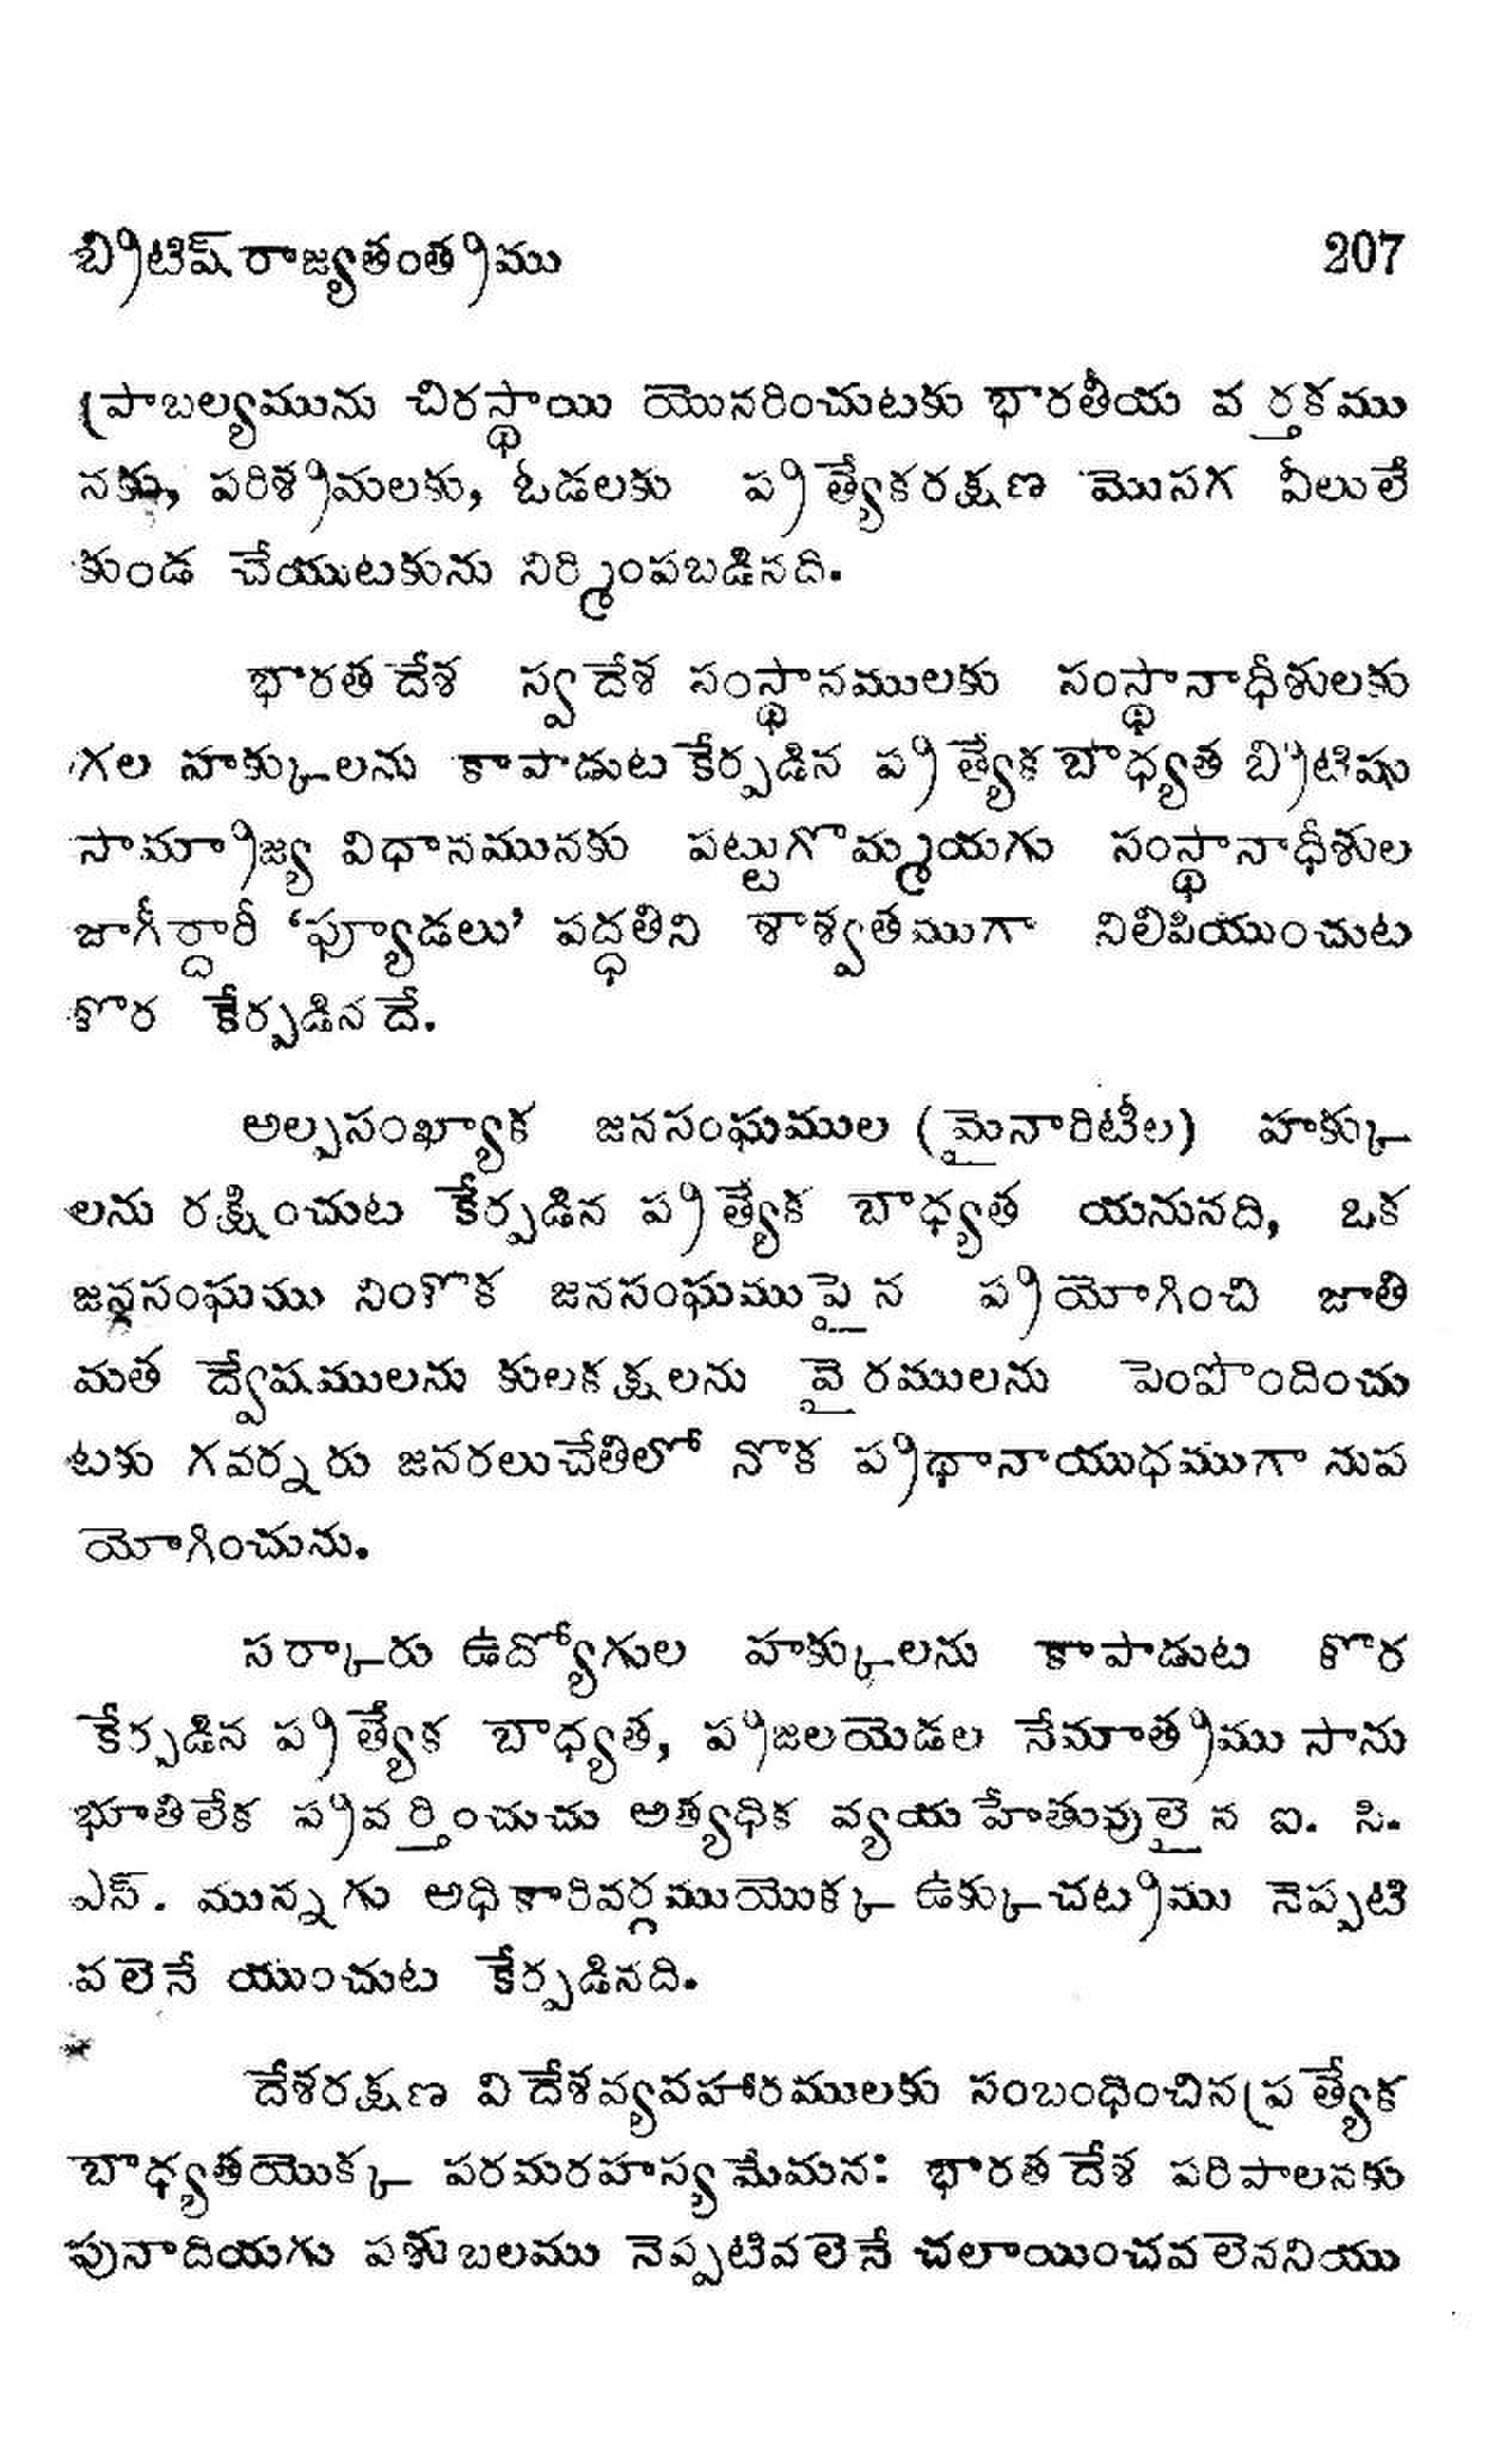ప్రాబల్యమును చిరస్థాయి యొనరించుటకు భారతీయ వర్తకమునకు, పరిశ్రమలకు, ఓడలకు ప్రత్యేకరక్షణ మొసగ వీలులేకుండ చేయుటకును నిర్మింపబడినది. 

భారతదేశ స్వదేశ సంస్థానములకు సంస్థానాధీశులకు గల హక్కులను కాపాడుట కేర్పడిన ప్రత్యేకబాధ్యత బ్రిటిషుసామ్రాజ్య విధానమునకు పట్టుగొమ్మయగు సంస్థానాధీశుల జాగీర్దారీ 'ఫ్యూడలు' పద్ధతిని శాశ్వతముగా నిలిపియుంచుట కొర కేర్పడినదే.

అల్పసంఖ్యాక జనసంఘముల (మైనారిటీల) హక్కులను రక్షించుట కేర్పడిన ప్రత్యేక బాధ్యత యనునది, ఒక జనసంఘము నింకొక జనసంఘముపైన ప్రయోగించి జాతి మత ద్వేషములను కులకక్షలను వైరములను పెంపొందించుటకు గవర్నరు జనరలుచేతిలో నొక ప్రథానాయుధముగా నుపయోగించును.

సర్కారుఉద్యోగుల హక్కులను కాపాడుట కొరకేర్పడిన ప్రత్యేక బాధ్యత, ప్రజలయెడల నేమాత్రము సానుభూతిలేక ప్రవర్తించుచు అత్యధిక వ్యయహేతువులైన ఐ. సి. ఎస్. మున్నగు అధికారివర్గముయొక్క ఉక్కు చట్రము నెప్పటివలెనే యుంచుట కేర్పడినది.

దేశరక్షణ విదేశవ్యవహారములకు సంబంధించిన ప్రత్యేక బాధ్యతయొక్క పరమరహస్యమేమన: భారతదేశ పరిపాలనకు పునాదియగు పశుబలము నెప్పటివలెనే చలాయించవలెననియు